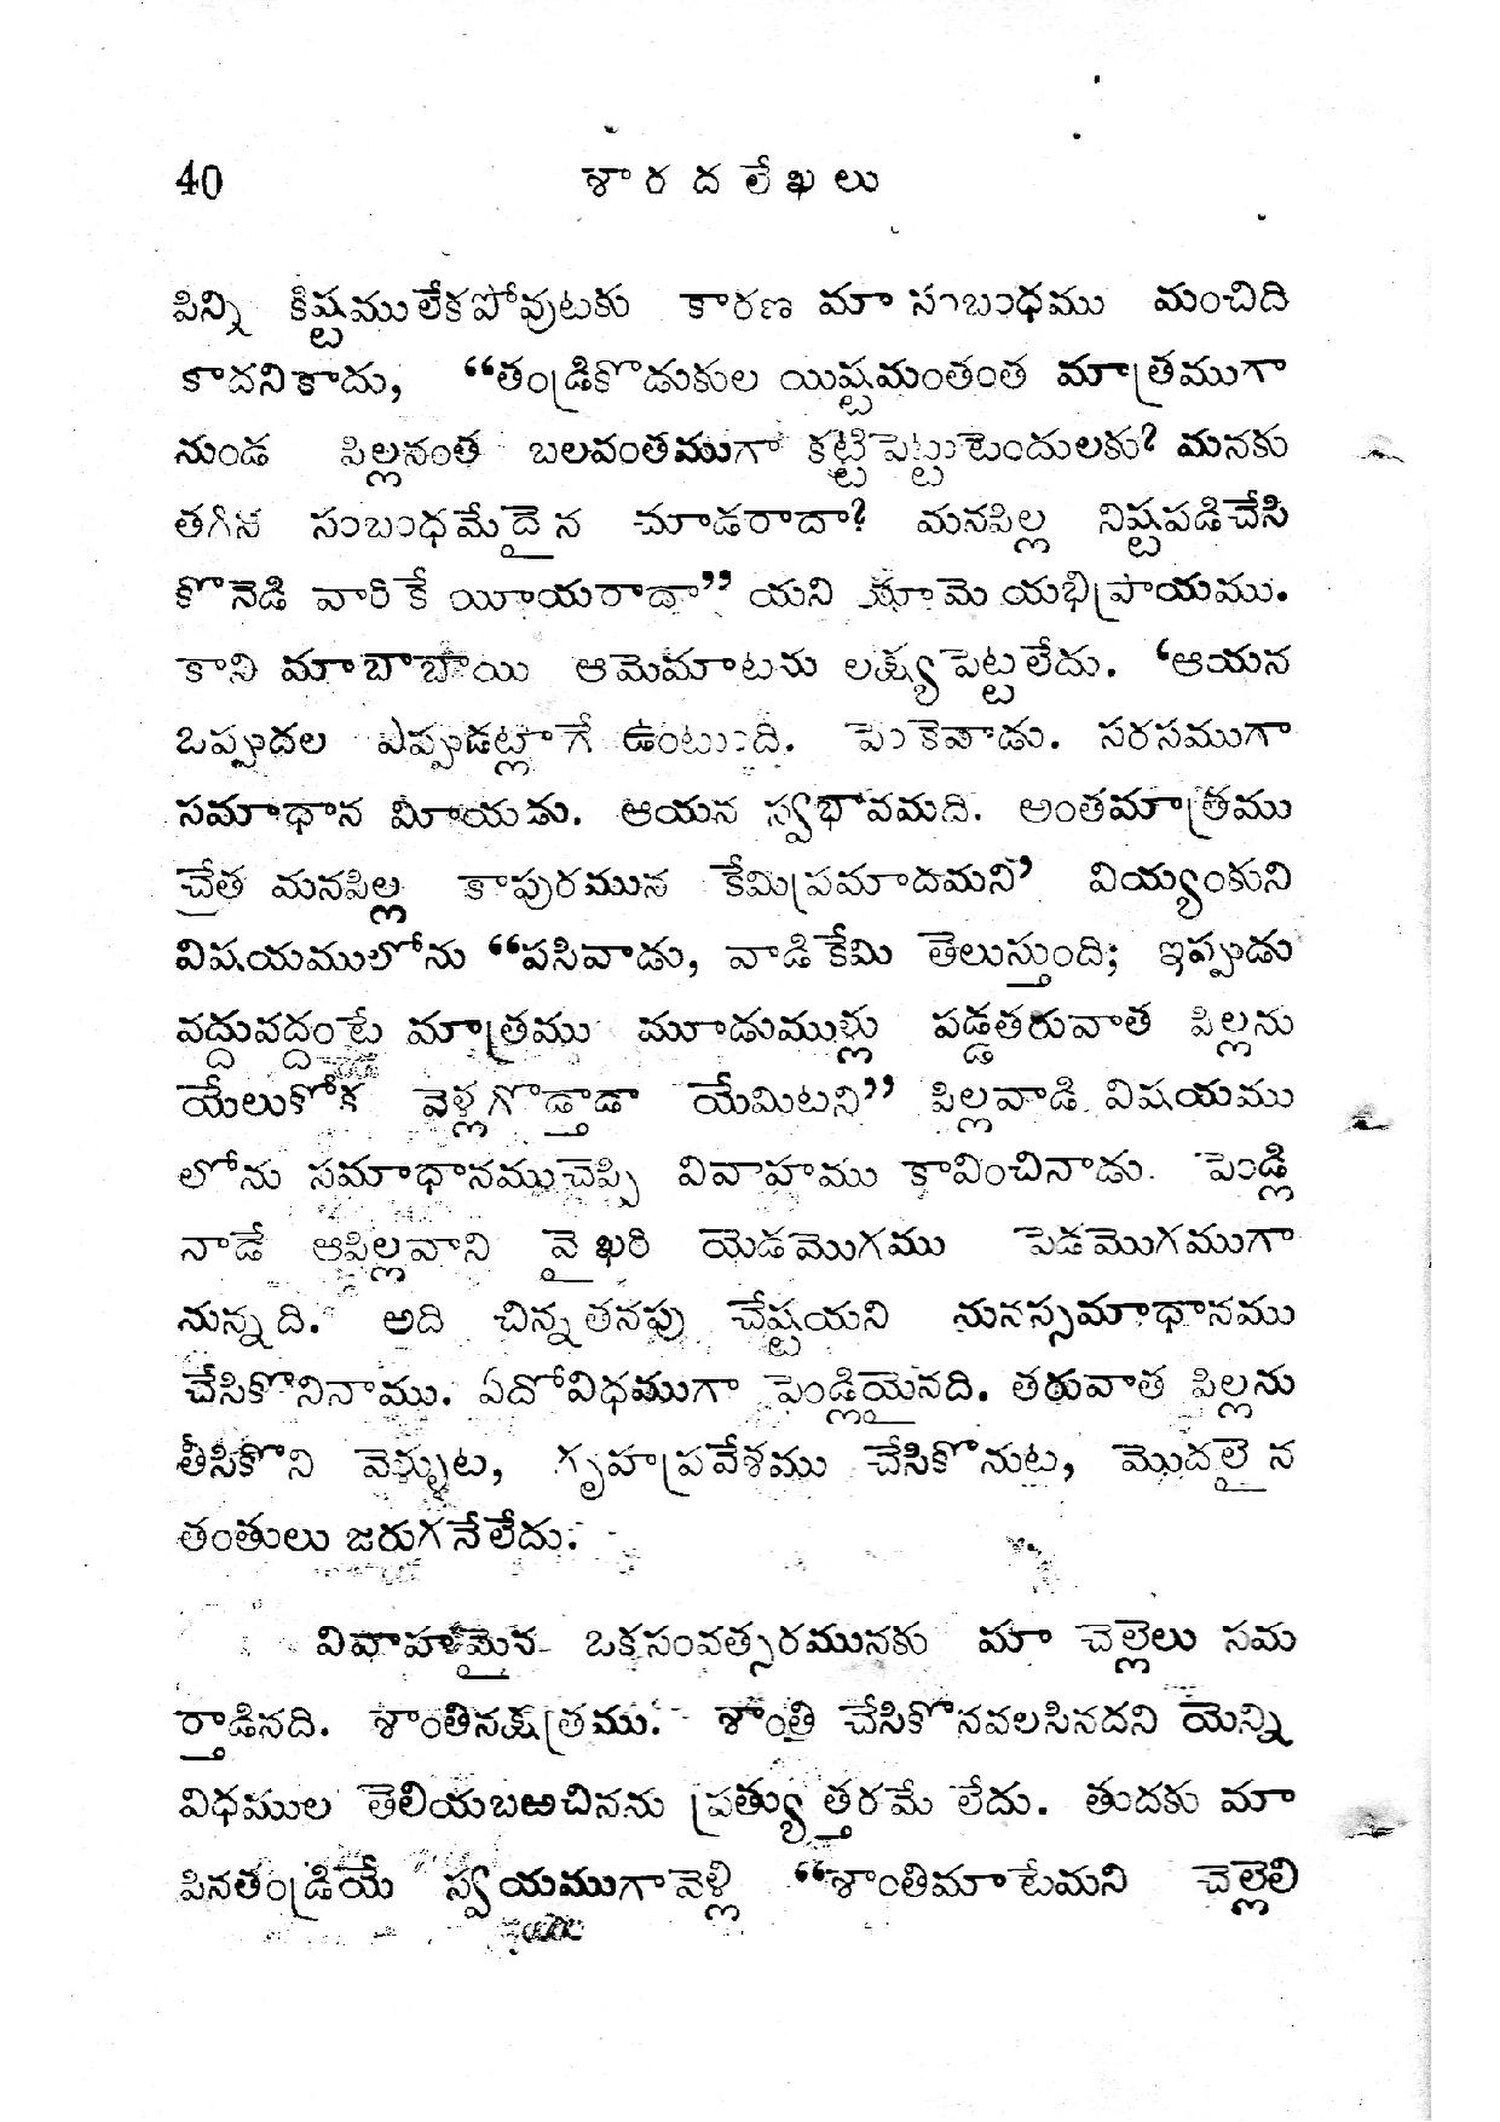పిన్ని కిష్టములేకపోవుటకు కారణ మా సంబంధము మంచిది కాదనికాదు, "తండ్రికొడుకుల యిష్టమంతంత మాత్రముగా నుండ పిల్లనంత బలవంతముగా కట్టిపెట్టుటెందులకు? మనకు తగిన సంబంధమేదైన చూడరాదా? మనపిల్ల నిష్టపడిచేసికొనెడి వారికే యీయరాదా” యని యామె యభిప్రాయము. కాని మాబాబాయి ఆమెమాటను లక్ష్యపెట్టలేదు. 'ఆయన ఒప్పుదల ఎప్పుడట్లాగే ఉంటుంది. పెంకెవాడు. సరసముగా సమాధాన మీయడు. ఆయన స్వభావమది. అంతమాత్రముచేత మనపిల్ల కాపురమున కేమిప్రమాదమని' వియ్యంకుని విషయములోను "పసివాడు, వాడికేమి తెలుస్తుంది; ఇప్పుడు వద్దువద్దంటే మాత్రము మూడుముళ్లు పడ్డతరువాత పిల్లను యేలుకోక వెళ్లగొడ్తాడా యేమిటని” పిల్లవాడి విషయములోను సమాధానముచెప్పి వివాహము కావించినాడు. పెండ్లినాడే ఆపిల్లవాని వైఖరి యెడమొగము పెడమొగముగా నున్నది. అది చిన్నతనపు చేష్టయని మనస్సమాధానము చేసికొనినాము. ఏదోవిధముగా పెండ్లియైనది. తరువాత పిల్లను తీసికొని వెళ్ళుట, గృహప్రవేశము చేసికొనుట, మొదలైన తంతులు జరుగనేలేదు :

వివాహమైన ఒకసంవత్సరమునకు మా చెల్లెలు సమర్తాడినది. శాంతినక్షత్రము. శాంతి చేసికొనవలసినదని యెన్ని విధముల తెలియబఱచినను ప్రత్యుత్తరమే లేదు. తుదకు మా పినతండ్రియే స్వయముగావెళ్లి "శాంతిమాటేమని చెల్లెలి